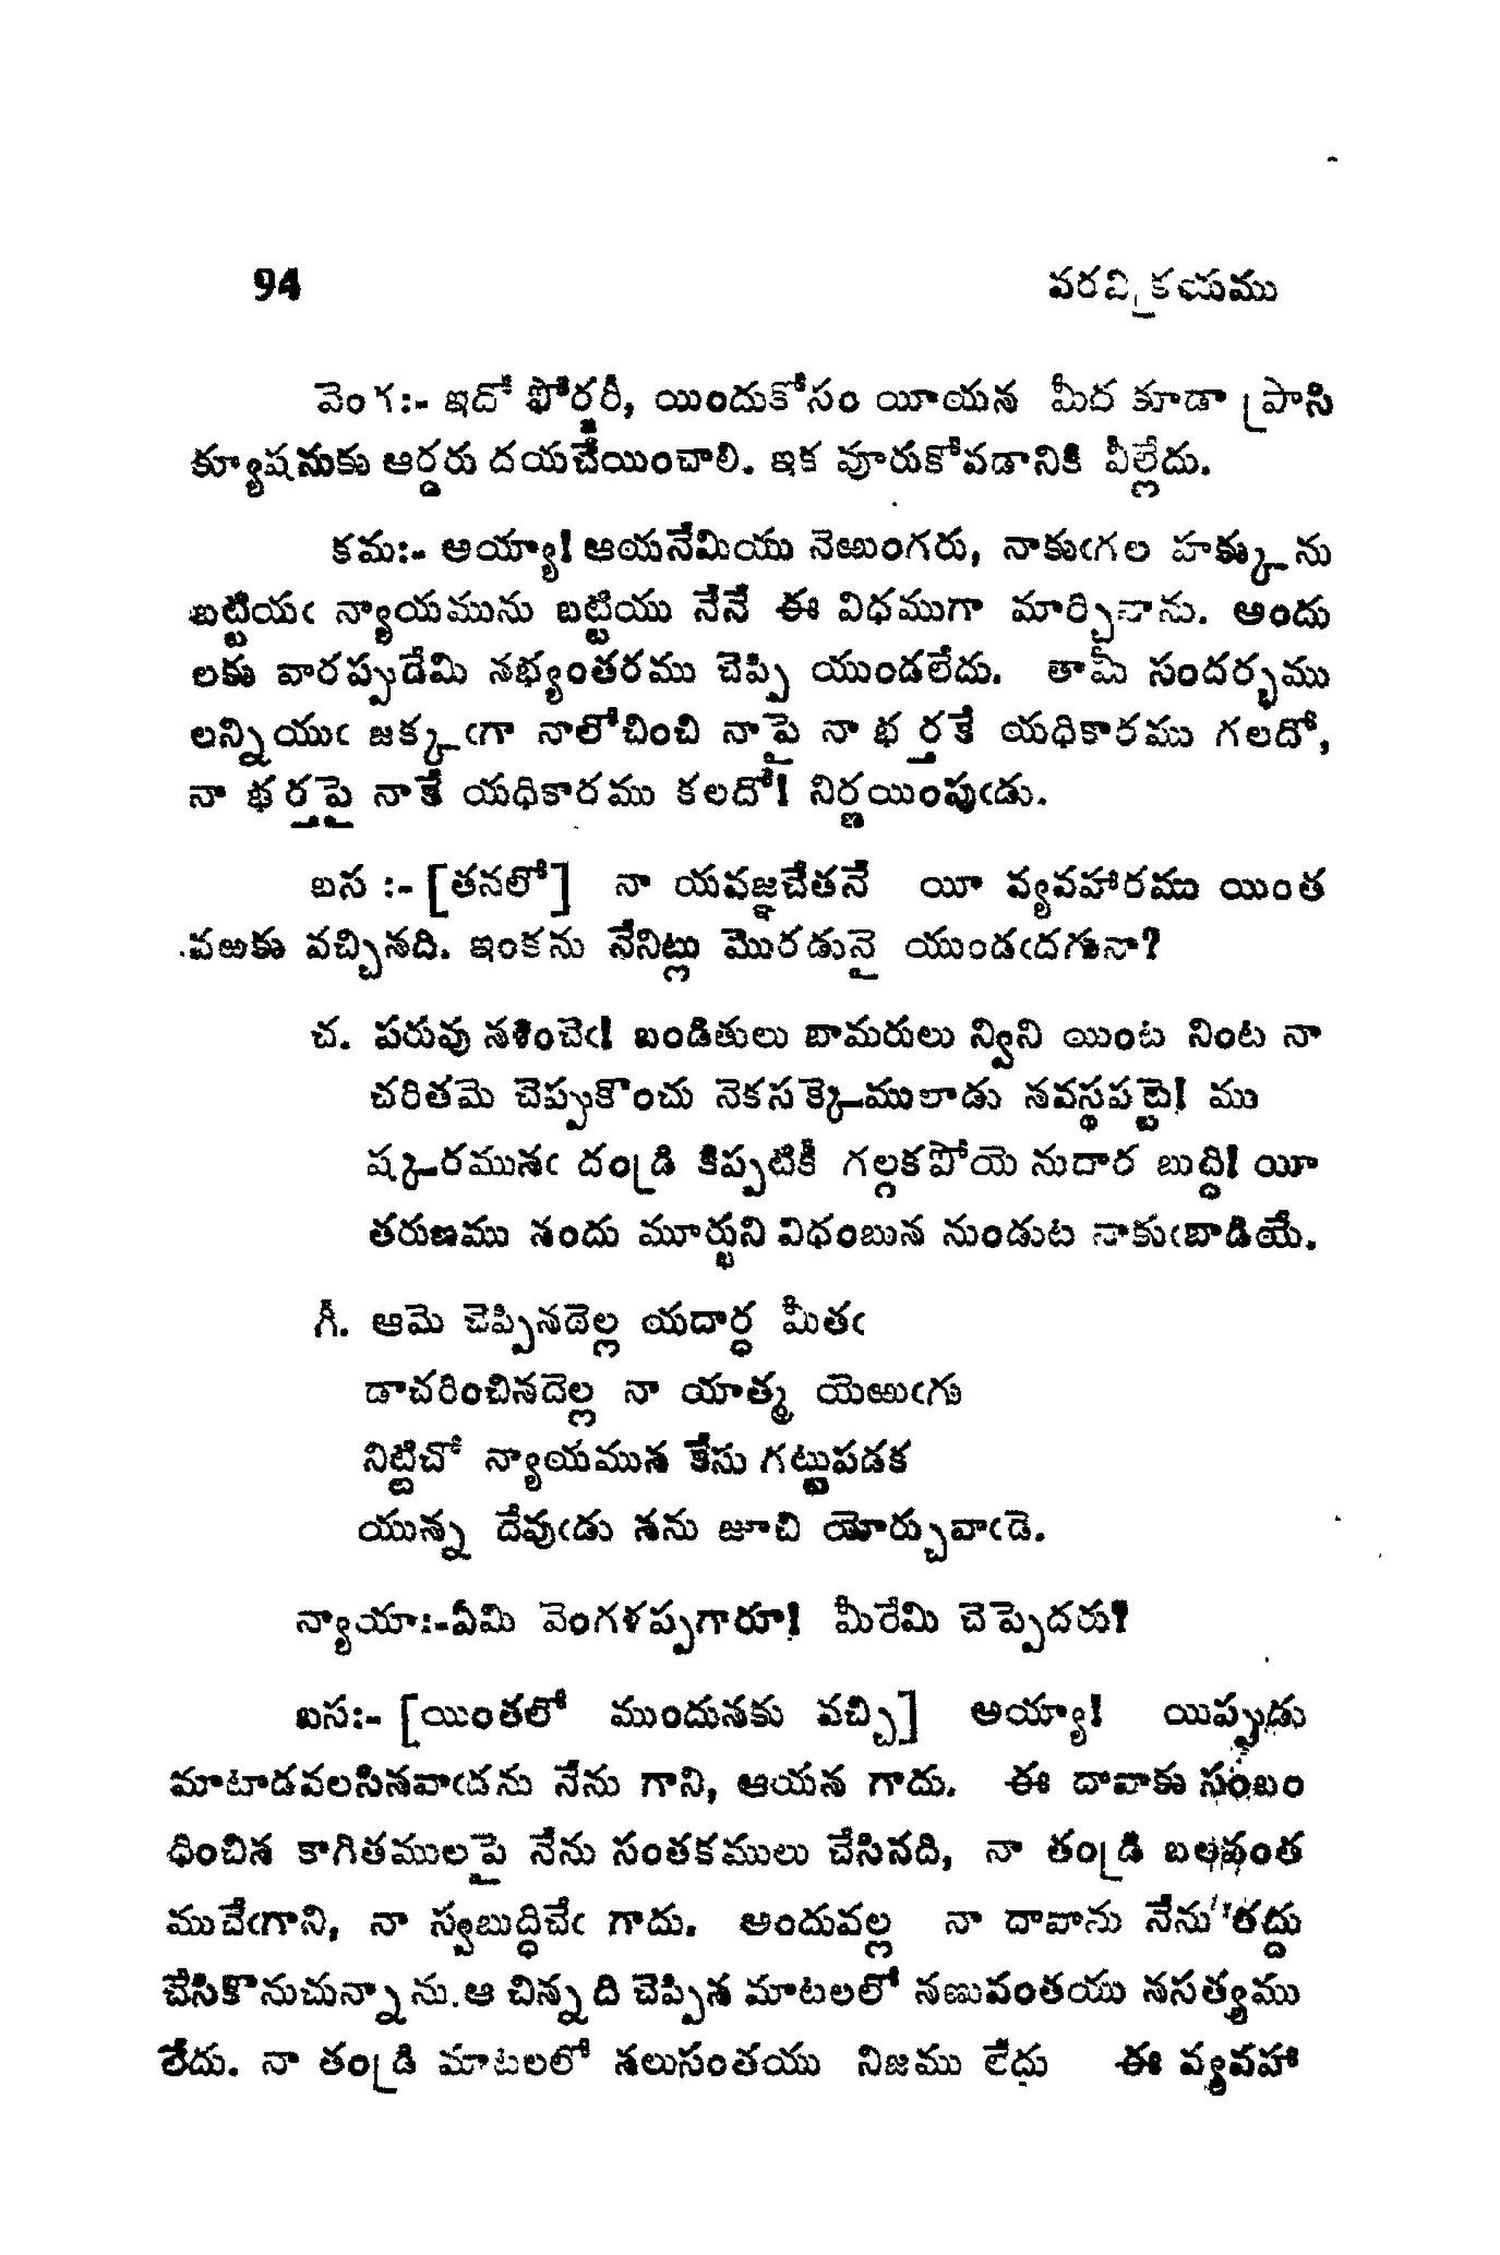వెంగ :- ఇదో ఫోర్జరీ, యిందుకోసం యీయన మీద కూడా ప్రాసిక్యూషనుకు ఆర్డరు దయచేయించాలి. ఇక వూరుకోవడానికి వీల్లేదు.

కమ :- అయ్యా! ఆయననేమియు నెఱుంగరు, నాకుఁగల హక్కును బట్టియఁ న్యాయమును బట్టియు నేనే ఈ విధముగా మార్చినాను. అందులకు వారప్పుడేమియు నభ్యంతరము చెప్పి యుండలేదు. తామీ సందర్భములన్నియుఁ జక్కఁగా నాలోచించి, నాపై నాభర్తకే యధికారము గలదో, నాభర్తపై నాకే యధికారము కలదో, నిర్ణయింపుఁడు.

బస :- (తనలో) నా యవజ్ఞచేతనే యీవ్యవహార యింతవఱకు వచ్చినది. ఇంకను నేనిట్లు మొరడునై యుండఁదగునా?

చ. పరువు నశించెఁ! బండితులు బామరులు న్విని యింట నింట నా
 చరితమె చెప్పుకొంచు నెకసక్కెములాడు నవస్థపట్టె! ము
 ష్కరమునఁ దండ్రి కిప్పటికి గల్గకపోయె నుదార బుద్ధి! యీ
 తరుణము నందు మూర్ఖుని విధంబున నుండుట నాకుఁబాడియే!

గీ. ఆమె చెప్పినదెల్ల యధార్థ మీతఁ
 డాచరించినదెల్ల నా యాత్మ యెఱుఁగు
 నిట్టిచో న్యాయమున కేసు గట్టువడక
 యున్న దేవుఁడు నను జూచి యోర్చువాఁడె.
న్యాయా :- ఏమి వెంగళప్పగారూ! మీరేమి చెప్పెదరు?

బస :- (యింతలో ముందునకు వచ్చి) అయ్యా! యిప్పుడు మాటాడవలసినవాఁడను నేను గాని, ఆయన గాదు. ఈ దావాకు సంబంధించిన కాగితములపై నేను సంతకములు చేసినది, నా తండ్రి బలవంతముచేఁగాని, నా స్వబుద్ధిచేఁ గాదు. అందువల్ల నా దావాను నేను రద్దు చేసికొనుచున్నాను. ఆ చిన్నది చెప్పిన మాటలలో నణువంతయు నసత్యము లేదు. నా తండ్రి మాటలలో నలుసంతయు నిజములేదు. ఈ వ్యవహా